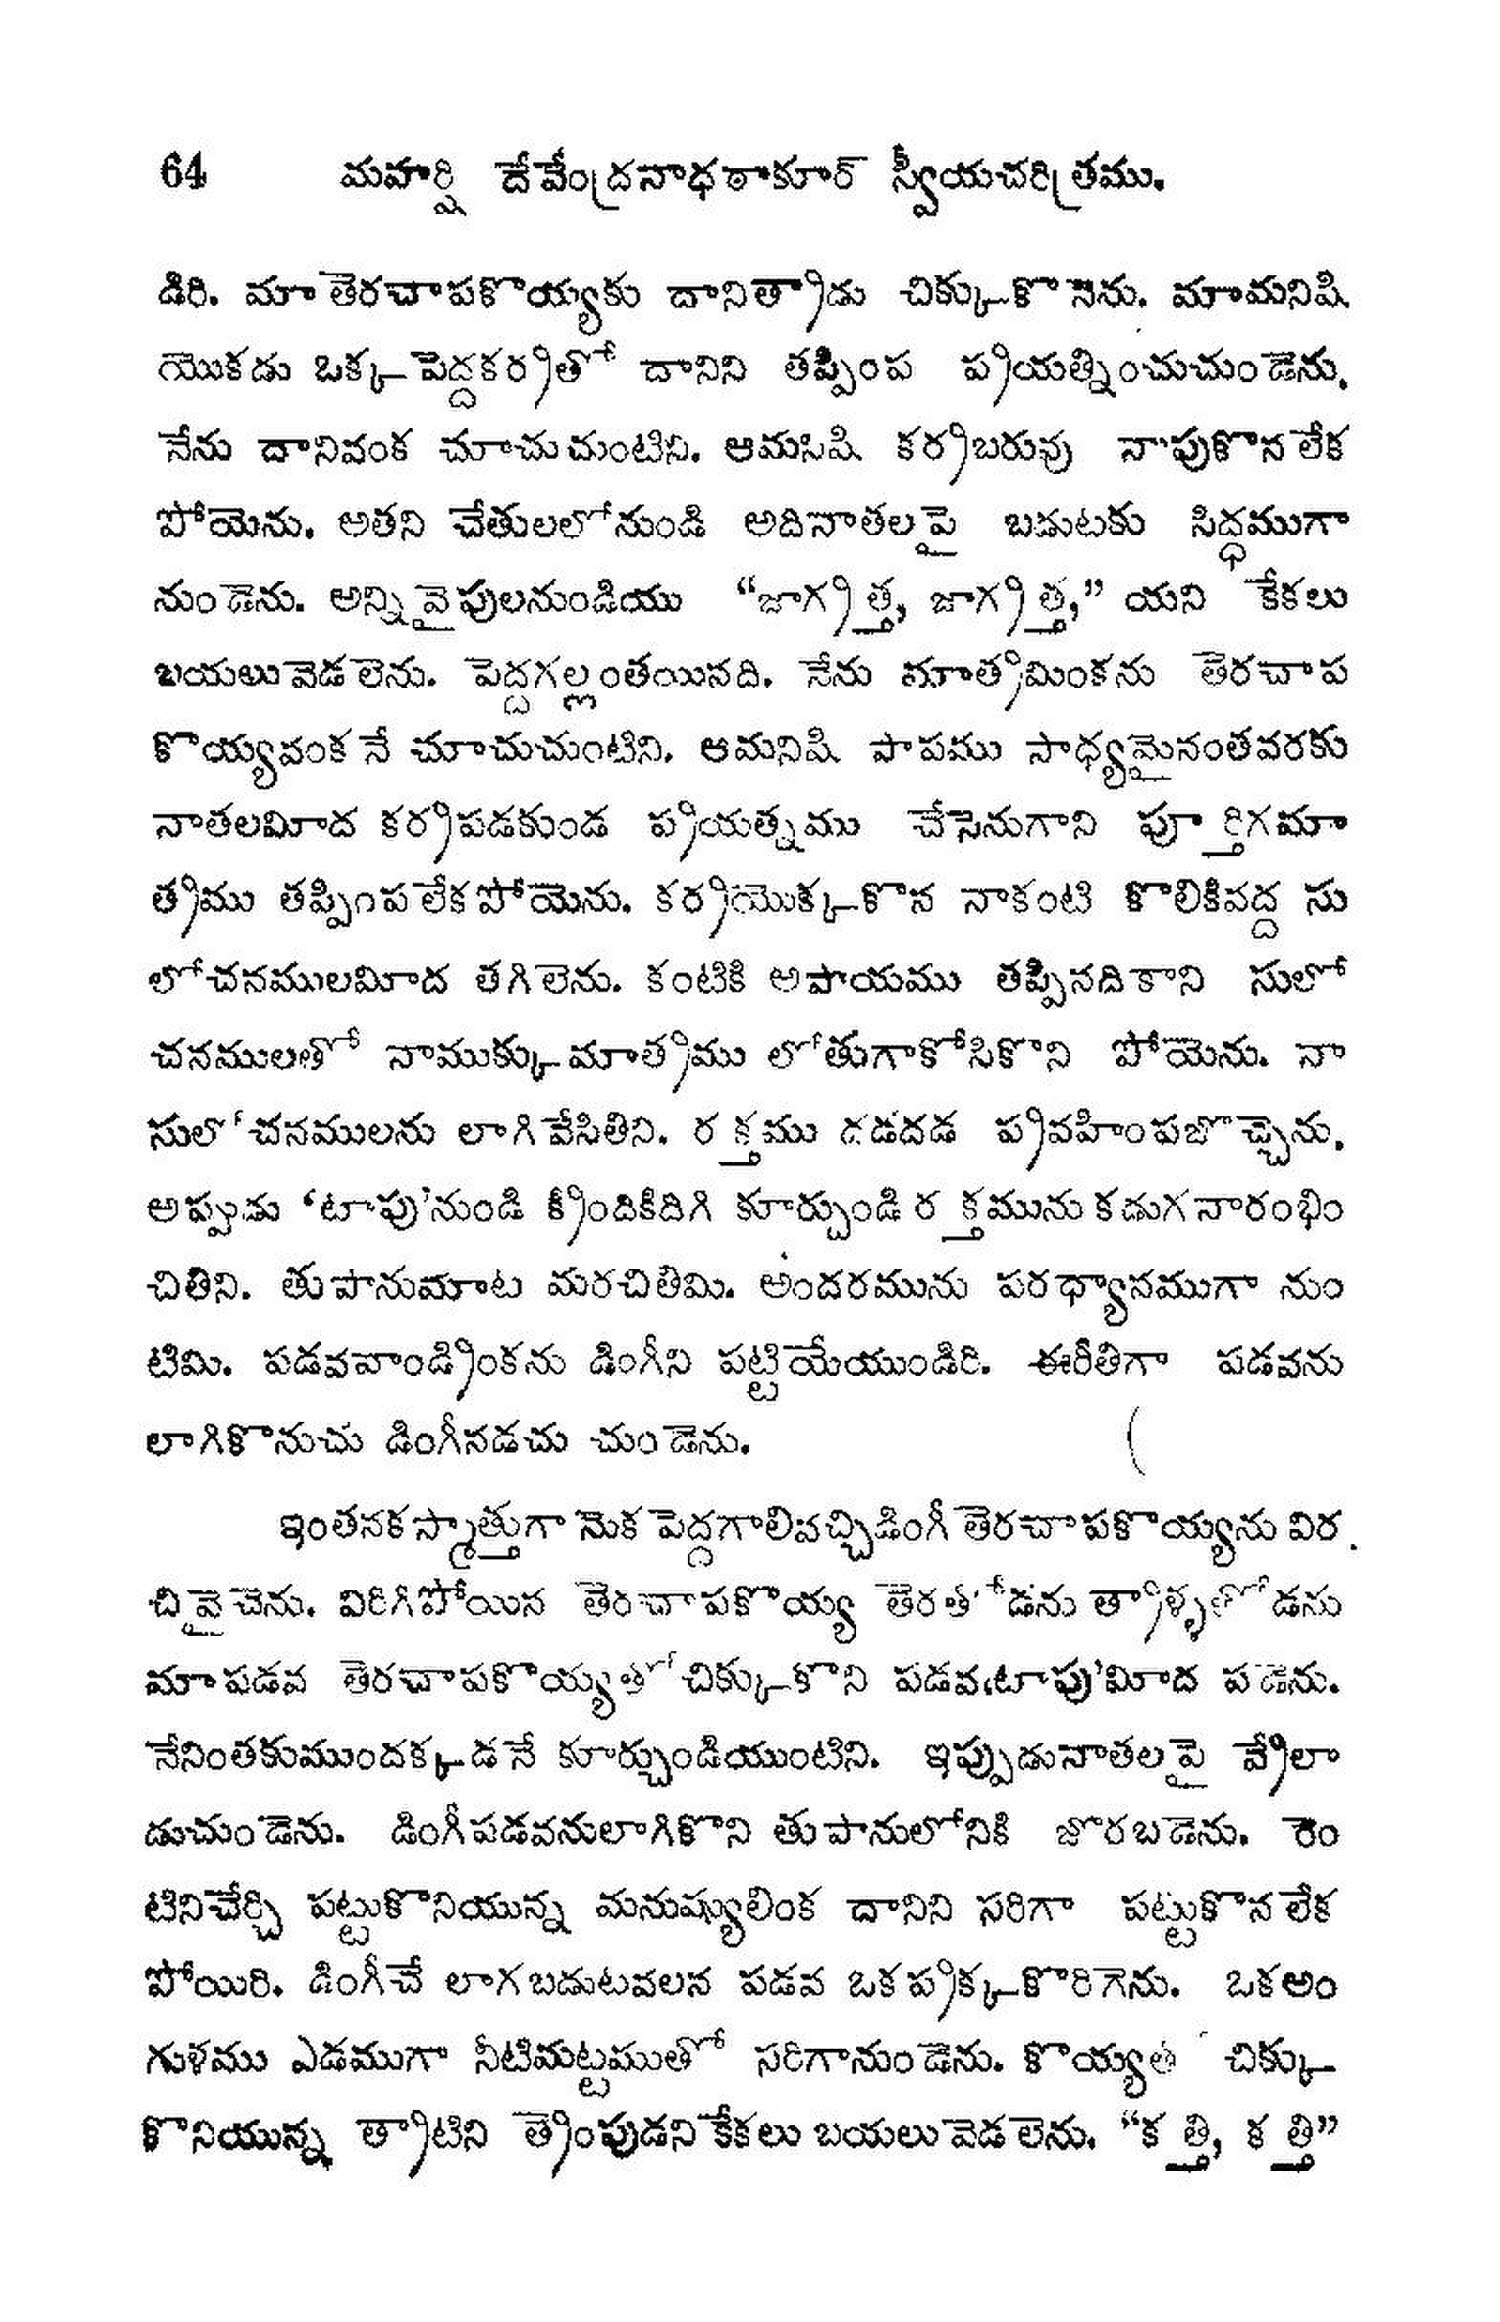డిరి. మా తెరచాపకొయ్యకు దాని తాడు చిక్కుకొనెను. మామనిషి,
యొకడు ఒక్క పెద్దకర్రతో దానిని తప్పింప ప్రయత్నించుచుండెను.
నేను దానివంక చూచుచుంటిని. ఆమసిపి కర్రబరువు నాపుకొన లేక
పోయెను. అతని చేతులలో నుండి అది నాతల పై బడుటకు సిద్ధముగా
నుండెను. అన్ని వైపులనుండియు “జాగ్రత్త, జగత్త,” యని కేకలు
బయలు వెడలెను. పెద్దగల్లంతయినది. నేను సూత మింకను తెరచాప
కొయ్య వంకనే చూచుచుంటిని. ఆమనిషి పాపము సాధ్యమైనంతవరకు
నాతలమీద కర్ర పడకుండ ప్రయత్నము చేసెను గాని పూర్తిగమా
త్రము తప్పింప లేక పోయెను. కర్రయొక్క కొన నాకంటి కొలికి వద్ద 
సులోచనములమీద తగిలెను. కంటికి అపాయము తప్పినది కాని సులో
చనములతో నాముక్కు మాత్రము లోతుగా కోసికొని పోయెను. నా
సులోచనములను లాగి వేసితిని. రక్తము డడదడ ప్రవహింపజొచ్చెను,
అప్పుడు 'టాపు నుండి కిందికిదిగి కూర్చుండి రక్తమును కడుగ నారంభి
చితిని. తుపానుమాట మరచితిమి. అందరమును పరధ్యానముగా నుం
టిమి. పడవవాడింకను డింగీని పట్టి యేయుండిరి. ఈరీతిగా పడవను
లాగికొనుచు డింగీనడచు చుండెను.

ఇంతనకస్మాత్తుగా ఒక పెద్దగాలివచ్చి డింగ్ తెరచాపకొయ్యను విరచివైచను. విరిగిపోయిన తెరచాపకొయ్య తెరతోడడను తాళ్ళతోడనుమా పడవ తెరచాపకొయ్య ఆ చిక్కుకొని పడవ టాపు' మీద పడెను.నేనింతకుముందక్కడనే కూర్చుండియుంటిని. ఇప్పుడు నాతల పై వేలాడుచుండెను. డింగీపడవను లాగికొని తుపానులోనికి జొరబడెను. రెంటిని చేర్చి పట్టుకొనియున్న మనుష్యు లింక దానిని సరిగా పట్టుకొన లేక పోయిరి. డింగీచే లాగ బడుట వలన పడవ ఒక ప్రక్క కొరిగెను. ఒక అంగుళము ఎడముగా నీటిమట్టముతో సరిగానుండెను. కొయ్యను చిక్కుకొనియున్న తాటిని తెంపుడని కేకలు బయలు వెడలెను. “కత్తి, కత్తి”